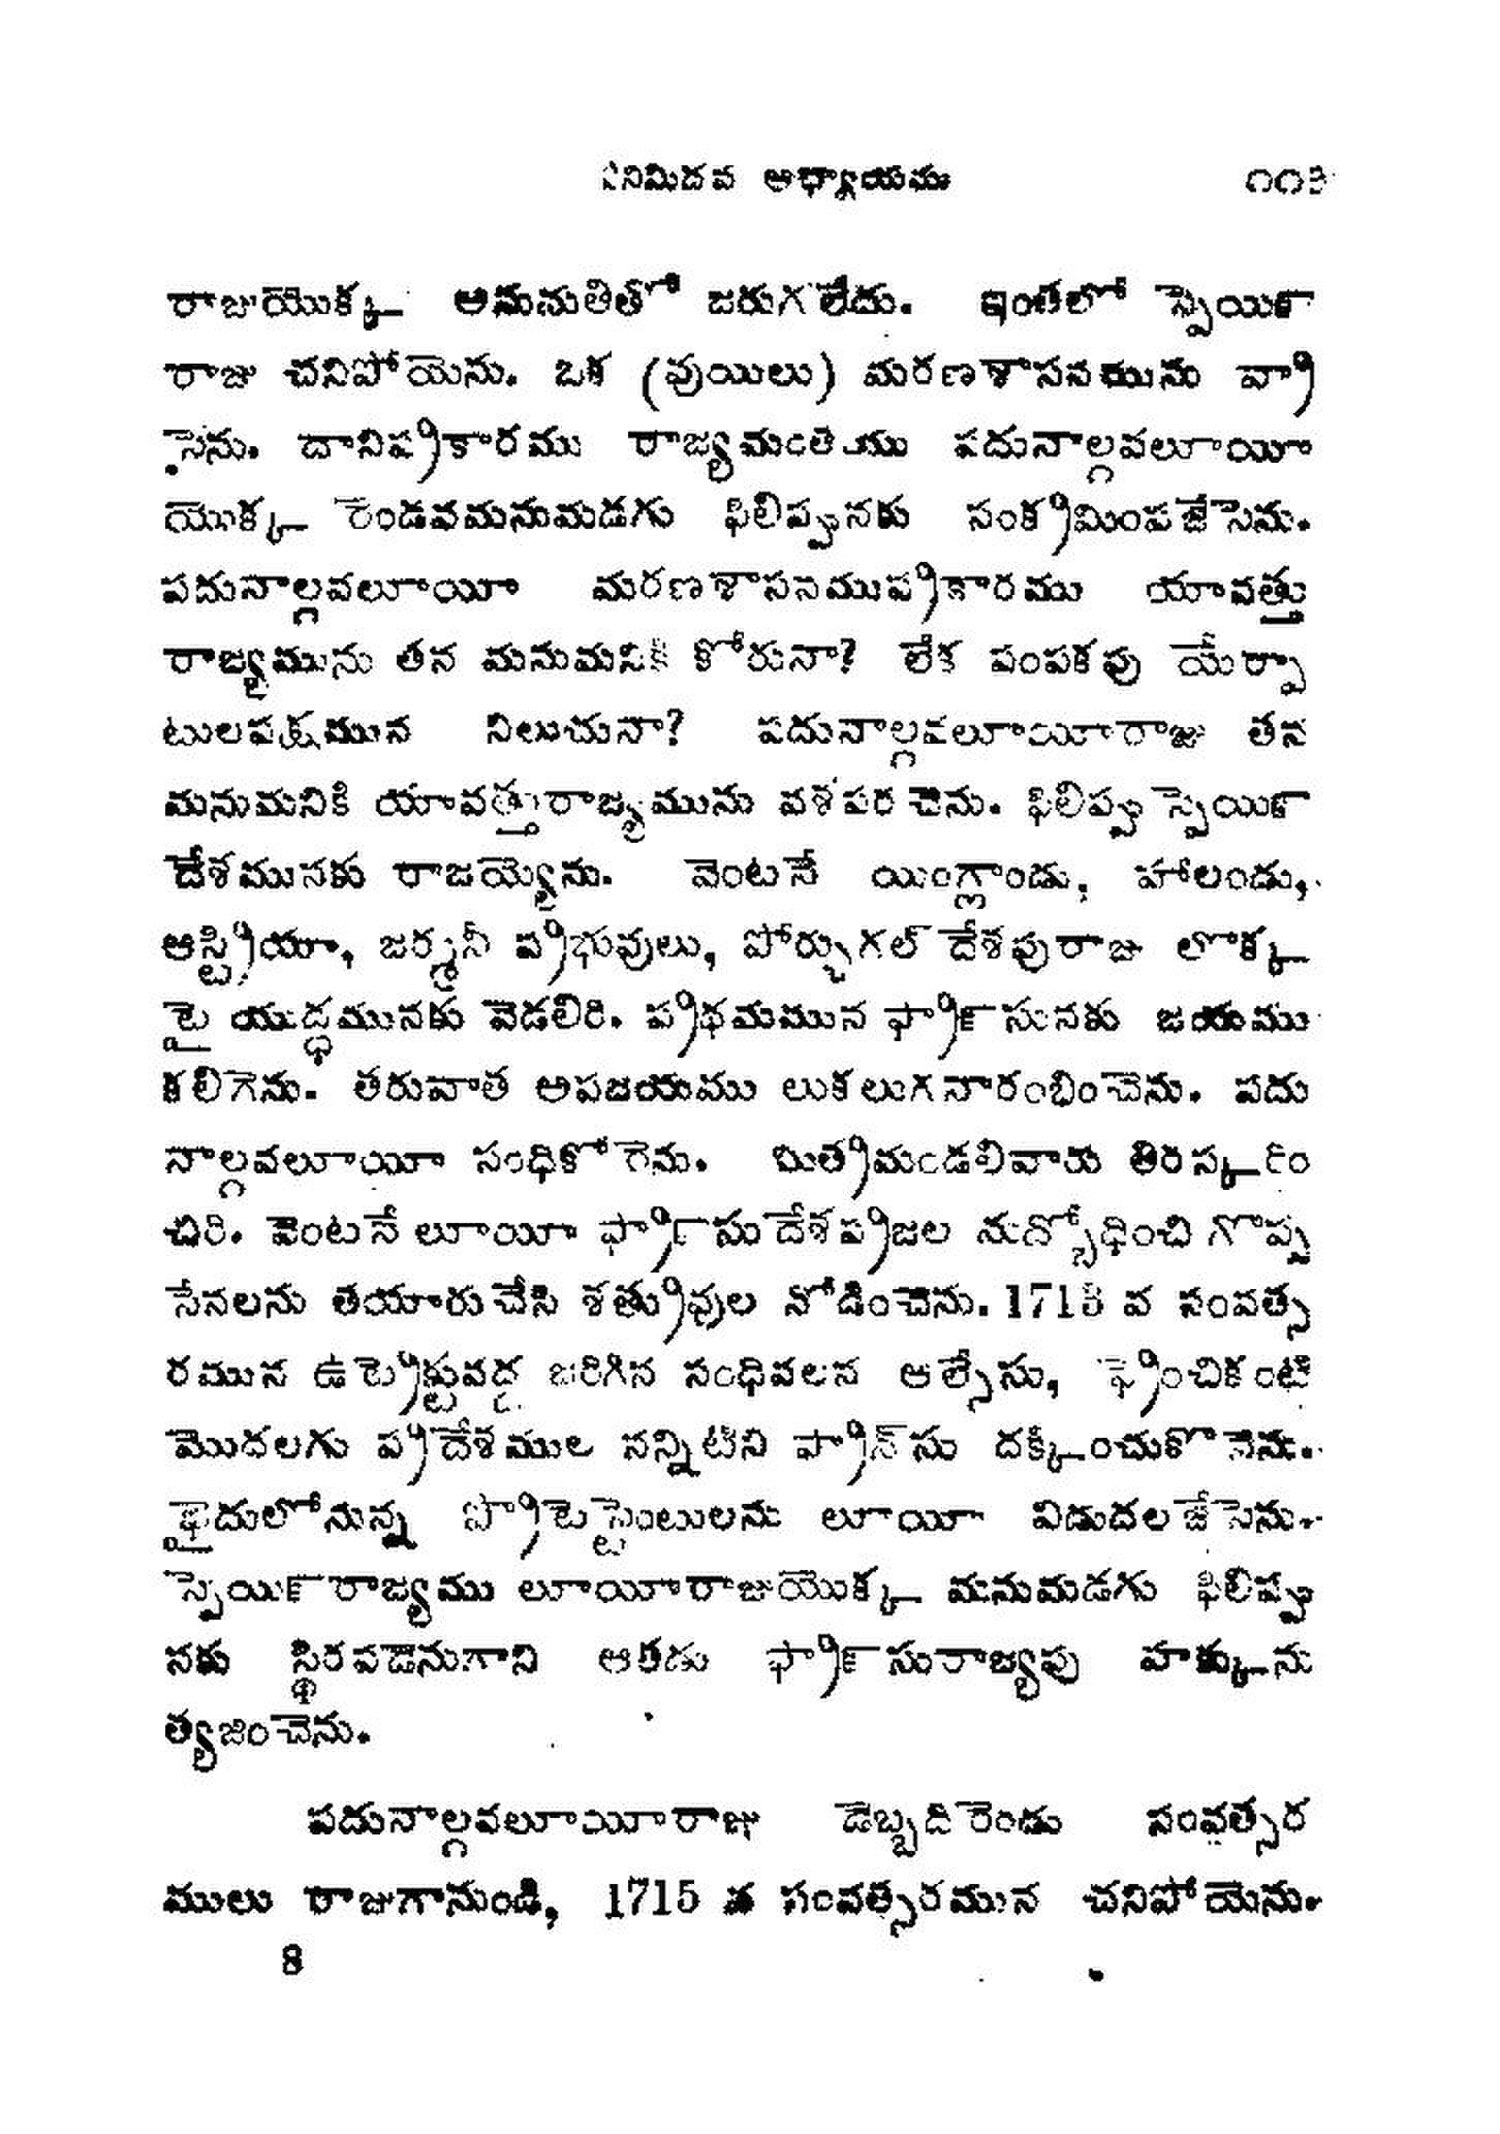రాజు యొక్క అనునుతితో జరుగలేదు.
ఇంతలో స్పెయి రాజు చనిపోయెను. ఒక (వుయిలు) మరణశాసన ముసు వ్రా
సెను. దానిప్రకారము రాజ్య మంతయు పదునాల్గవ లూయీ
యొక్క రెండప మనుమడగు ఫిలిప్పునకు సంక్రమింపజేసెను.
పదునాల్గవ లూయీ మరణ శాసనము ప్రకారము యావత్తు
రాజ్యమును తన మనుమనికి కోరునా? లేక పంపకపు యేర్పా
టుల పక్షమున నిలుచునా పదునాల్గవలూయీ రాజు తన
మనుమనికి యావత్తు రాజ్యమును వశపరచెను. ఫిలిప్పు స్పెయిన్,
దేశమునకు రాజయ్యను. వెంటనే యింగ్లాండు, హాలండు,
ఆస్ట్రియా, జర్మనీ ప్రభువులు, పోర్చుగల్ దేశ పు రాజు లోక్క
టై యుద్ధమునకు వెడలిరి. ప్రథమమున ఫ్రాన్సునకు జయము
కలిగెను. తరువాత అపజయములు కలుగ నారంభించెను. పదు
నాలవలూయీ సంధికోగేను. మిత్రమండలివారు తిరస్కరం
చిరి. వెంటనే లూయీ ప్రాన్ సు దేశ ప్రజల నుద్భోధించి గొప్ప
సేనలను తయారు చేసి శత్రువుల నోడించెను. 1713 వ సంవత్స
రమున ఉటెక్టు వద్ద జరిగిన సంధివలన ఆల్సేసు, 'ఫెంచికంటి
మొదలగు ప్రదేశముల సన్నిటిని ప్రాన్ సు దక్కించుకొనెను..
ఖైదులోనున్న ప్రొటెస్టెంటులను లూయీ విడుదల జేసెను.
స్పెయిన్ రాజ్యము లూయీ రాజు యొక్క మనుమడగు ఫిలిప్పు
స్థిరపడెను గాని అతడు ఫ్రాన్ సురాజ్యపు హక్కునుత్యజించెను.

పదునాల్గవ లూ బరాజు డెబ్బది రెండు సంవత్సరములు రాజుగా 
నుండి, 1715 వ సంవత్సరమున చనిపోయెను.